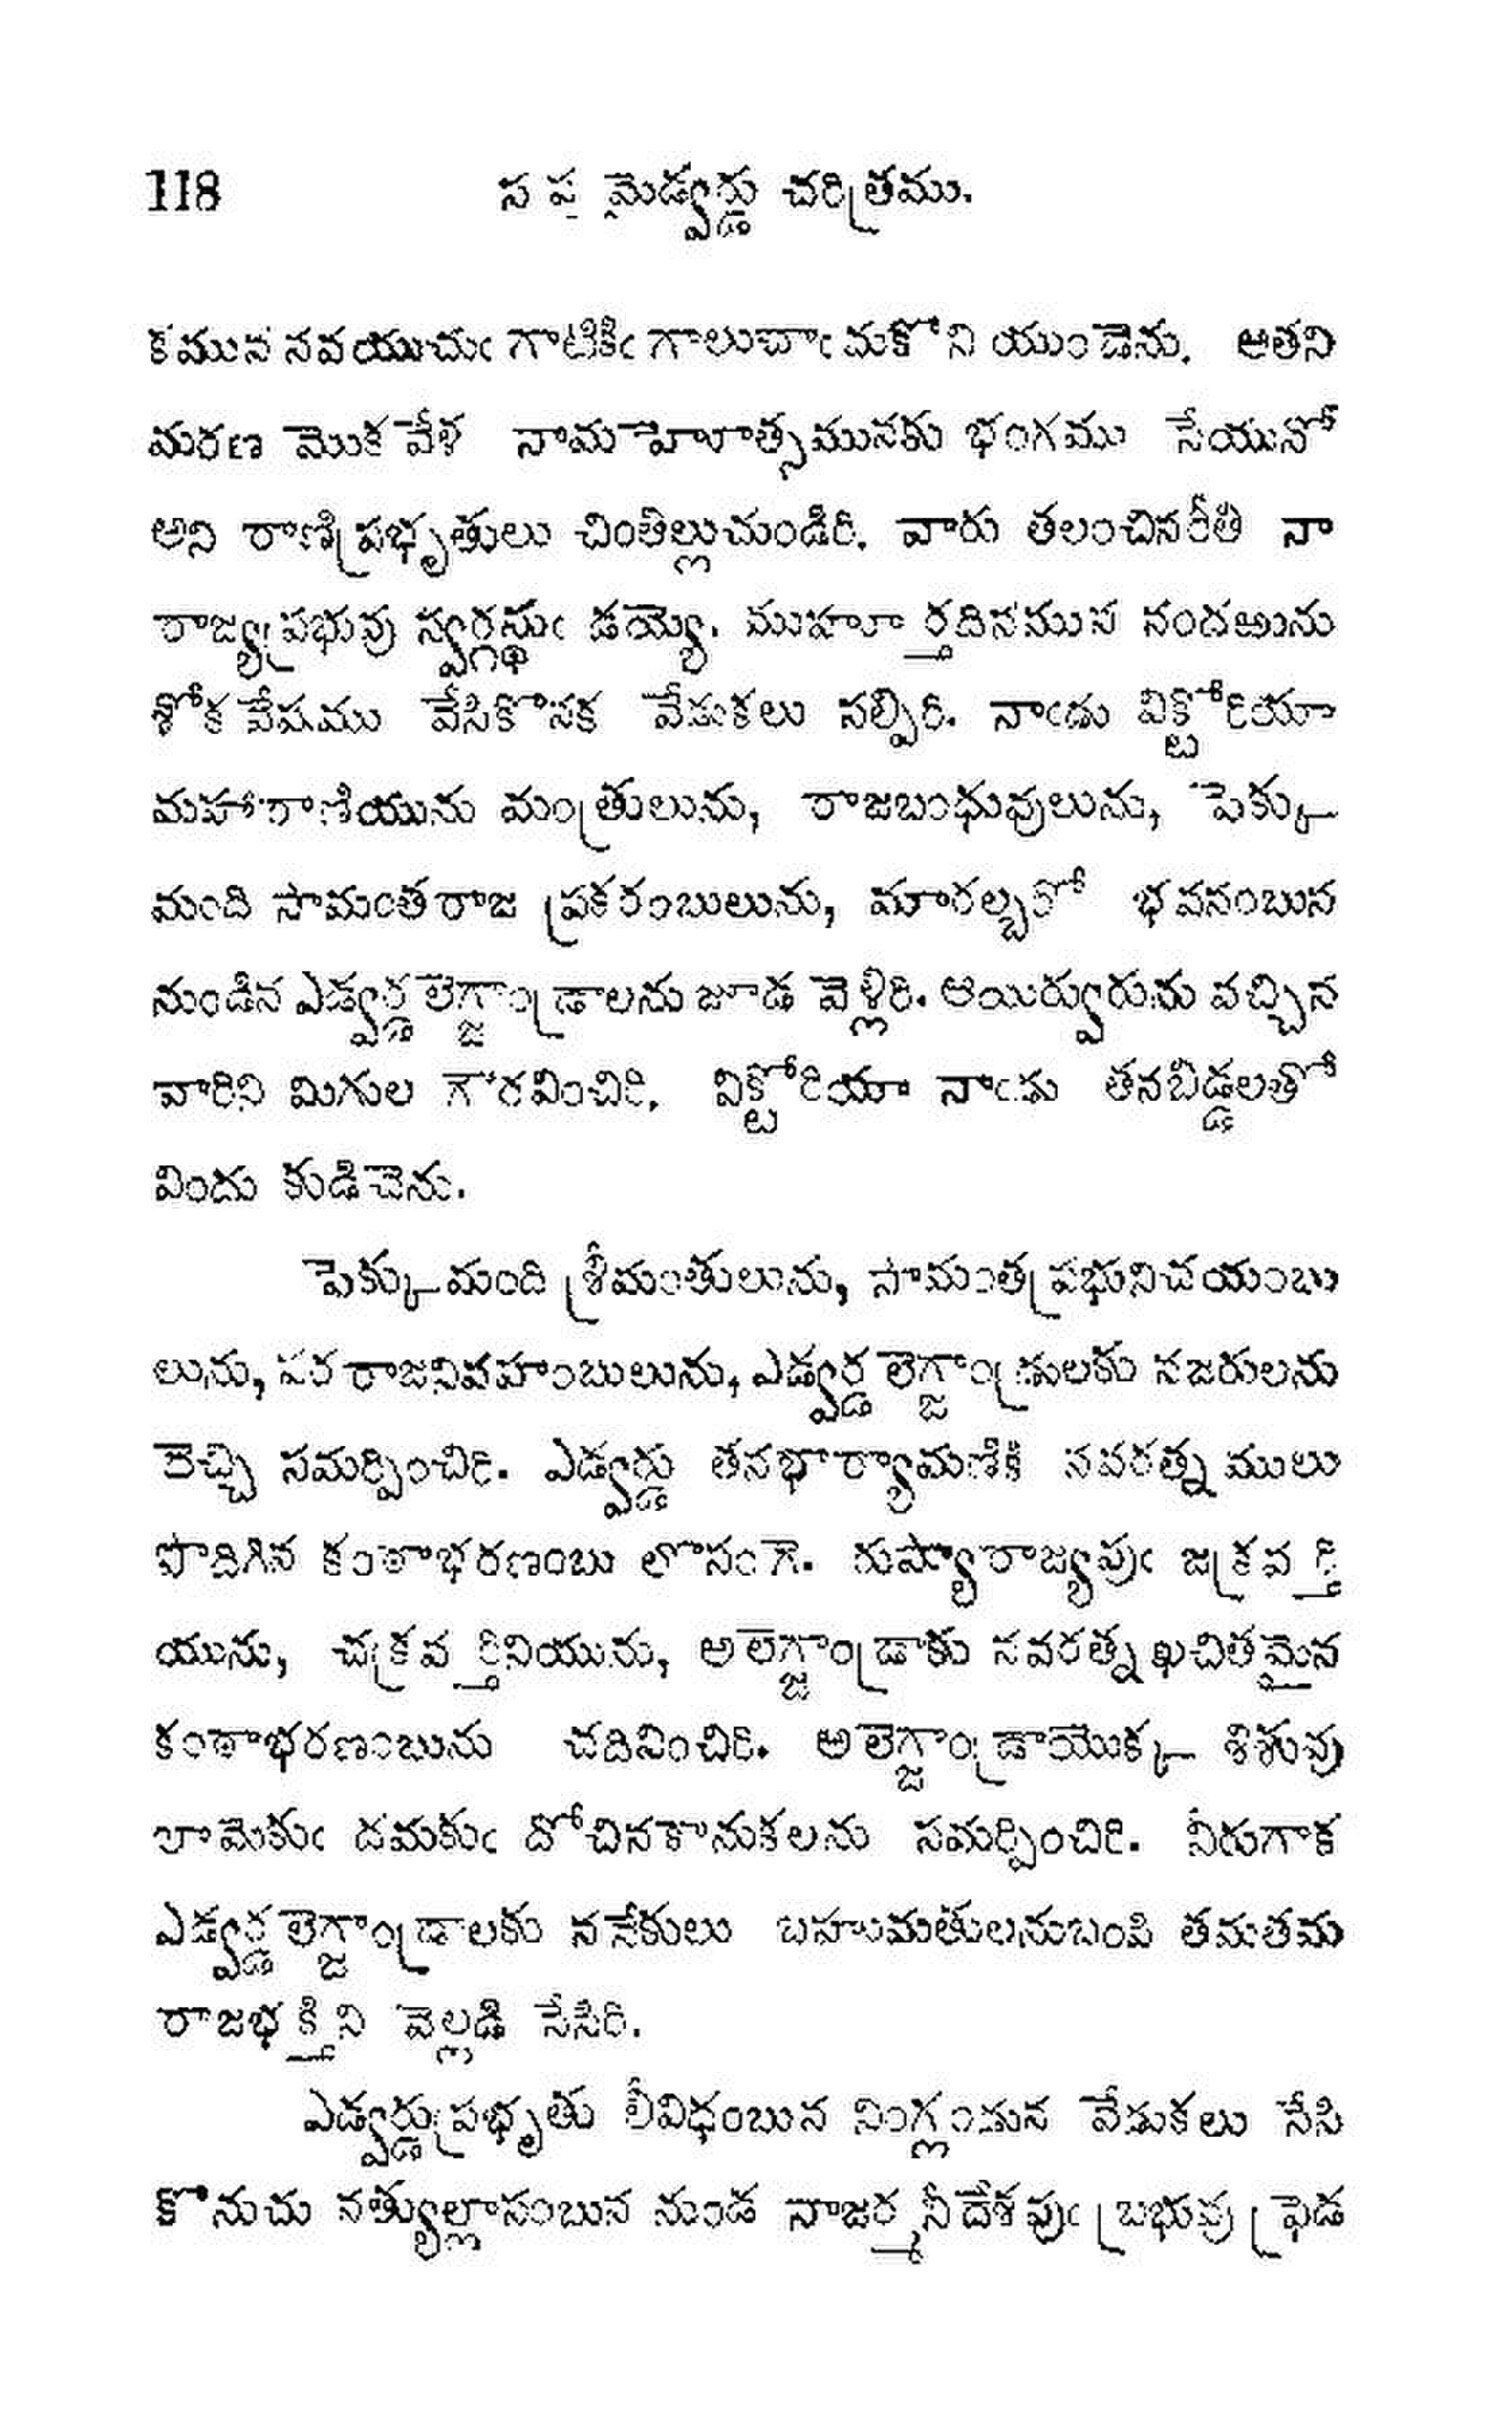కమున నవయుచుఁ గాటికి గాలుచాచుకోని యుండెను. అతని మరణ మొక వేళ నామ ఘోత్సమునకు భంగము సేయునో అని రాణి ప్రభృతులు చింతిల్లు చుండిరి. వారు తలంచిన రీతి నా రాజ్య ప్రభువు స్వర్గస్థుఁ డయ్యె, ముహూర్తదినమున నందఱును శోక వేషము వేసికొనక వేడుకలు సల్పిరి. నాఁడు విక్టోరియా మహా రాణీయును మంత్రులును, రాజబంధువులును, “పెక్కు మంది సామంత రాజు ప్రకరంబులును, మారల్బరో భవనంబున నుండిన ఎడ్వర్ణ లెగ్జాండ్రాలను జూడ వెళ్లిరి. ఆయిర్వురును వచ్చిన వారిని మిగుల గౌరవించి, విక్టోరియా నాఁడు తనబిడ్డలతో విందు కుడిచెను.

పెక్కు మంది శ్రీమంతులును, సామంత ప్రభునిచయంబు లును, పర రాజనివహుబులును, ఎడ్వర్డ లెగ్జాండ్రులకు సజరులను దెచ్చి సమర్పించి.. ఎడ్వర్డు తనభార్యామణికి సవరత్న ములు పొదిగిన కంఠాభరణంబు లొసంగె. రుష్యారాజ్యపుఁ జక్రవర్తి యును, చక్రవక్తినియును, అలెగ్జాండ్రాకు నవరత్న ఖచితమైన కంఠాభరణంబును చదివించిరి.. అలెగ్జాం డ్రాయొక్క శిశువు లామెకుఁ దమకుఁ దోచినకానుకలను సమర్పించిరి. వీరుగాక ఎడ్వర్ణ లెగ్జాండ్రాలకు ననేకులు బహుమతులను బంపి తమతమ రాజభక్తిని వెల్లడి సేసిరి..

ఎడ్వర్డు ప్రభృతు లీవిధంబున నింగ్లండున వేడుకలు నేసి కొనుచు నత్యుల్లాసంబున నుండ నాజర్మనీ దేశపు ప్రభువు ఫ్రెడ